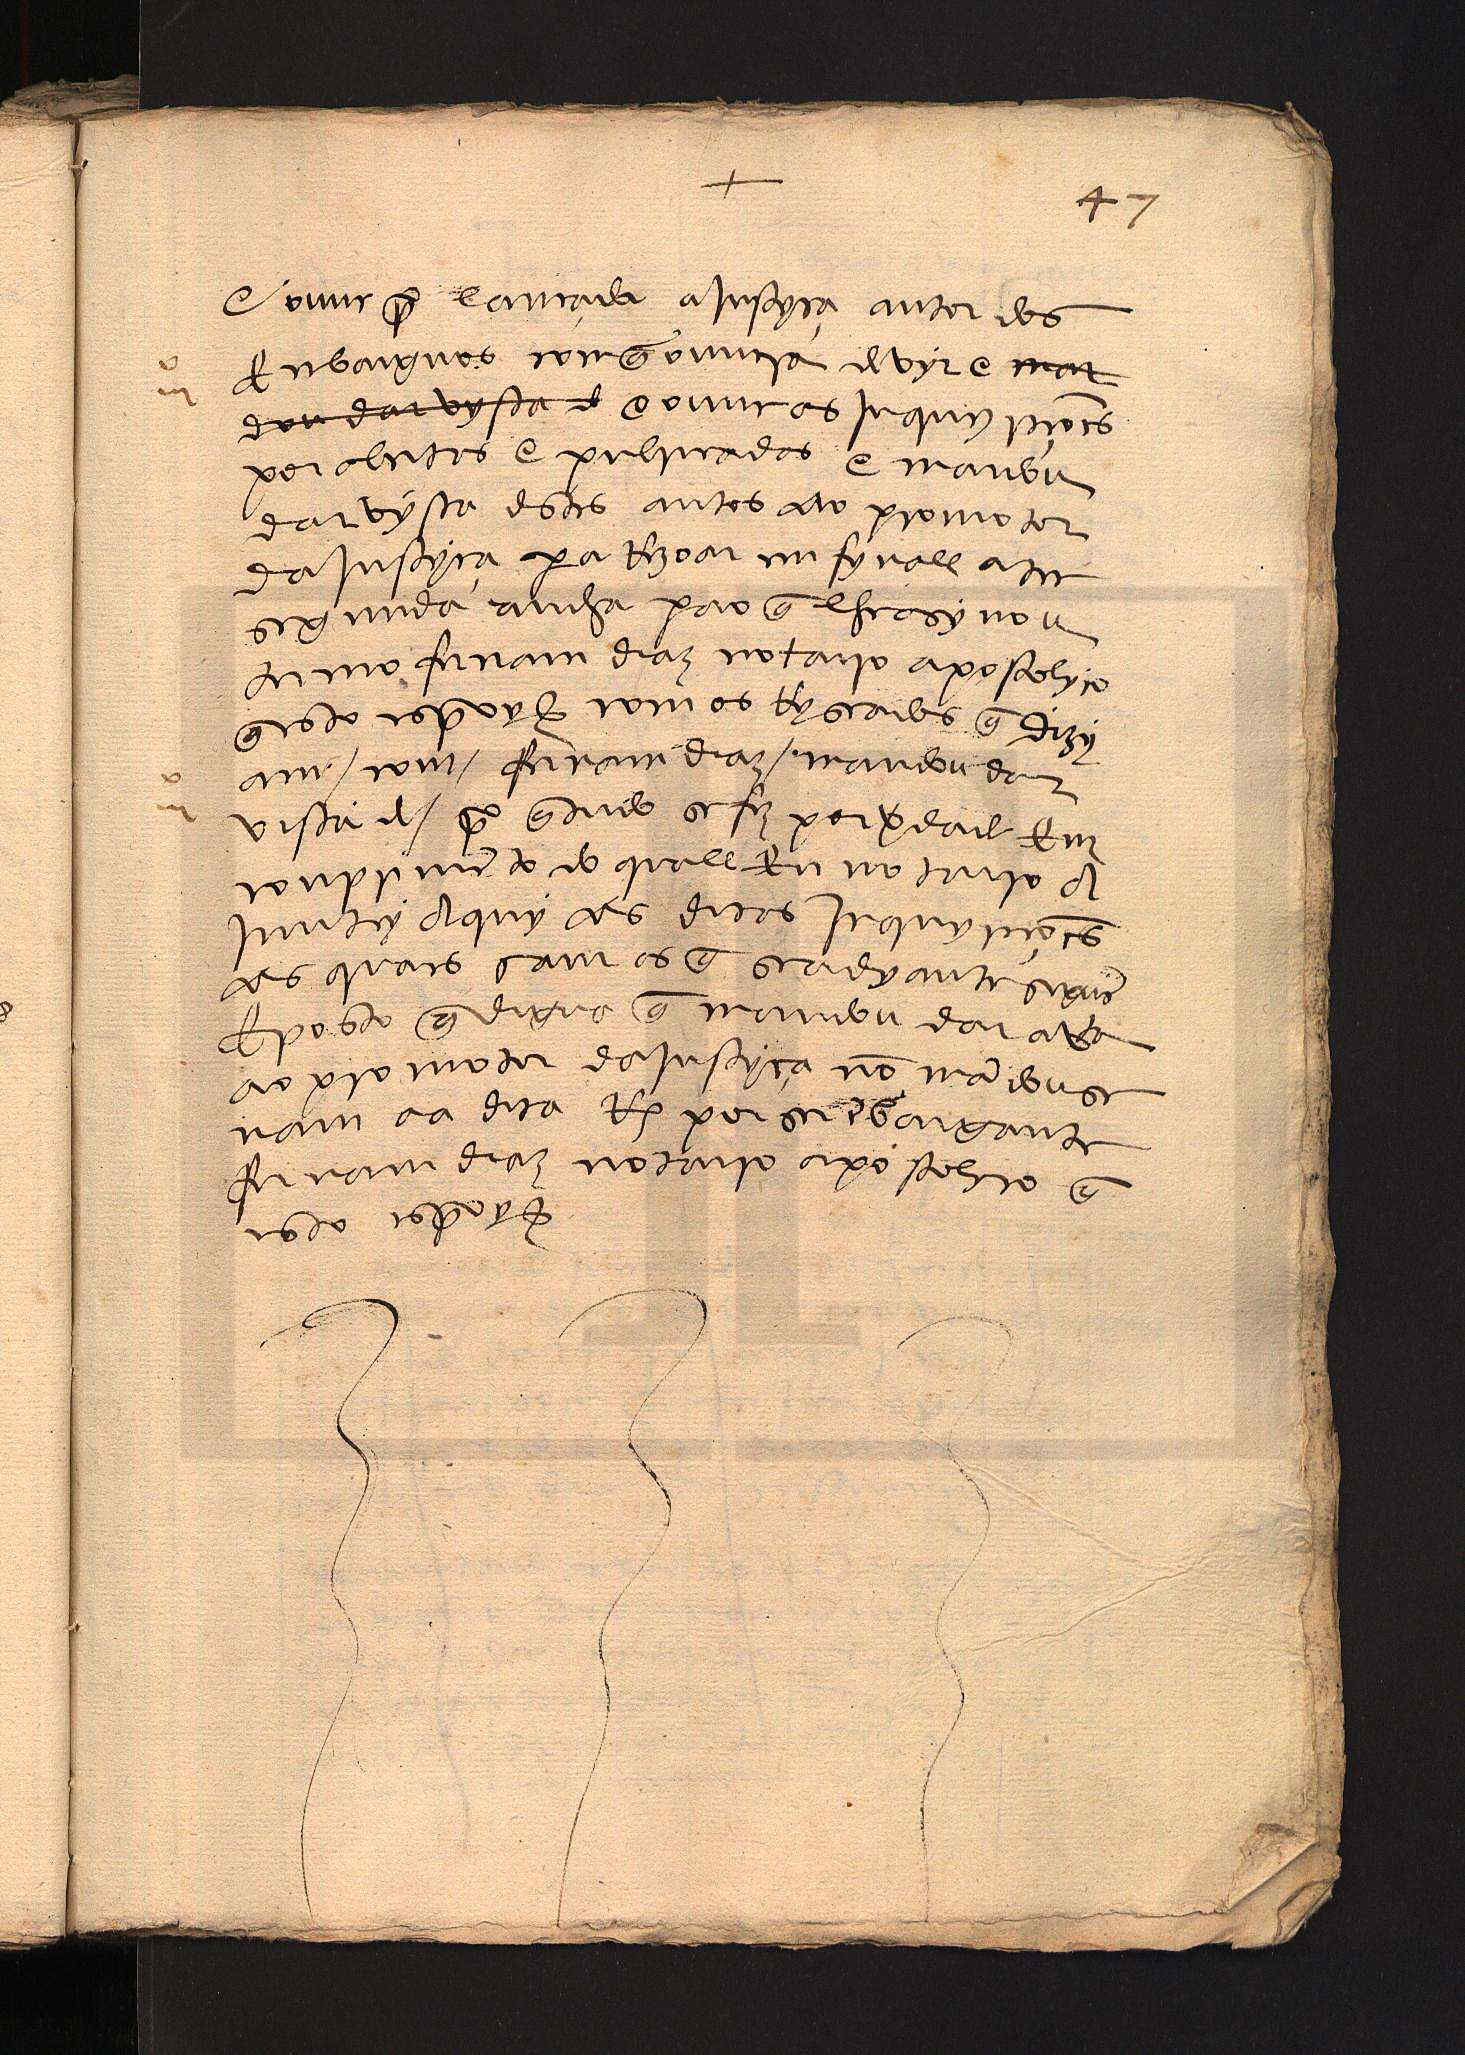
47
e ouue p̄o lançada a Justyça autor dos
Enbarguos com q̄ ouuera de vyr e man
dou dar vysta d e ouue as Jnquyrições
por abertas e pubricadas e mandou
dar vysta destes autos ao promotor
da Justyça ꝑa Rezoar em fynall atee
segunda audja ꝑa o q̄ lhe asynou
termo fernam diaz notairo apostolyco
q̄ esto esp̄vy com os Ryscados q̄ dizy
am / com / fernam diaz / mandou dar
vista d / p̄oq̄ tudo se fez por ꝟdade Em
conprimēto do quall Eu notairo A
Juntey Aquy as ditas Jnquyrições
as quaes sam as q̄ se a dyante seguē
E posto q̄ diga q̄ mandou dar a vta
ao promotor da Justyça nō mādou se
nam aa dita Rꝭ por ser ēbargante
fernam diaz notairo apostolyco q̄
esto esp̄vy
